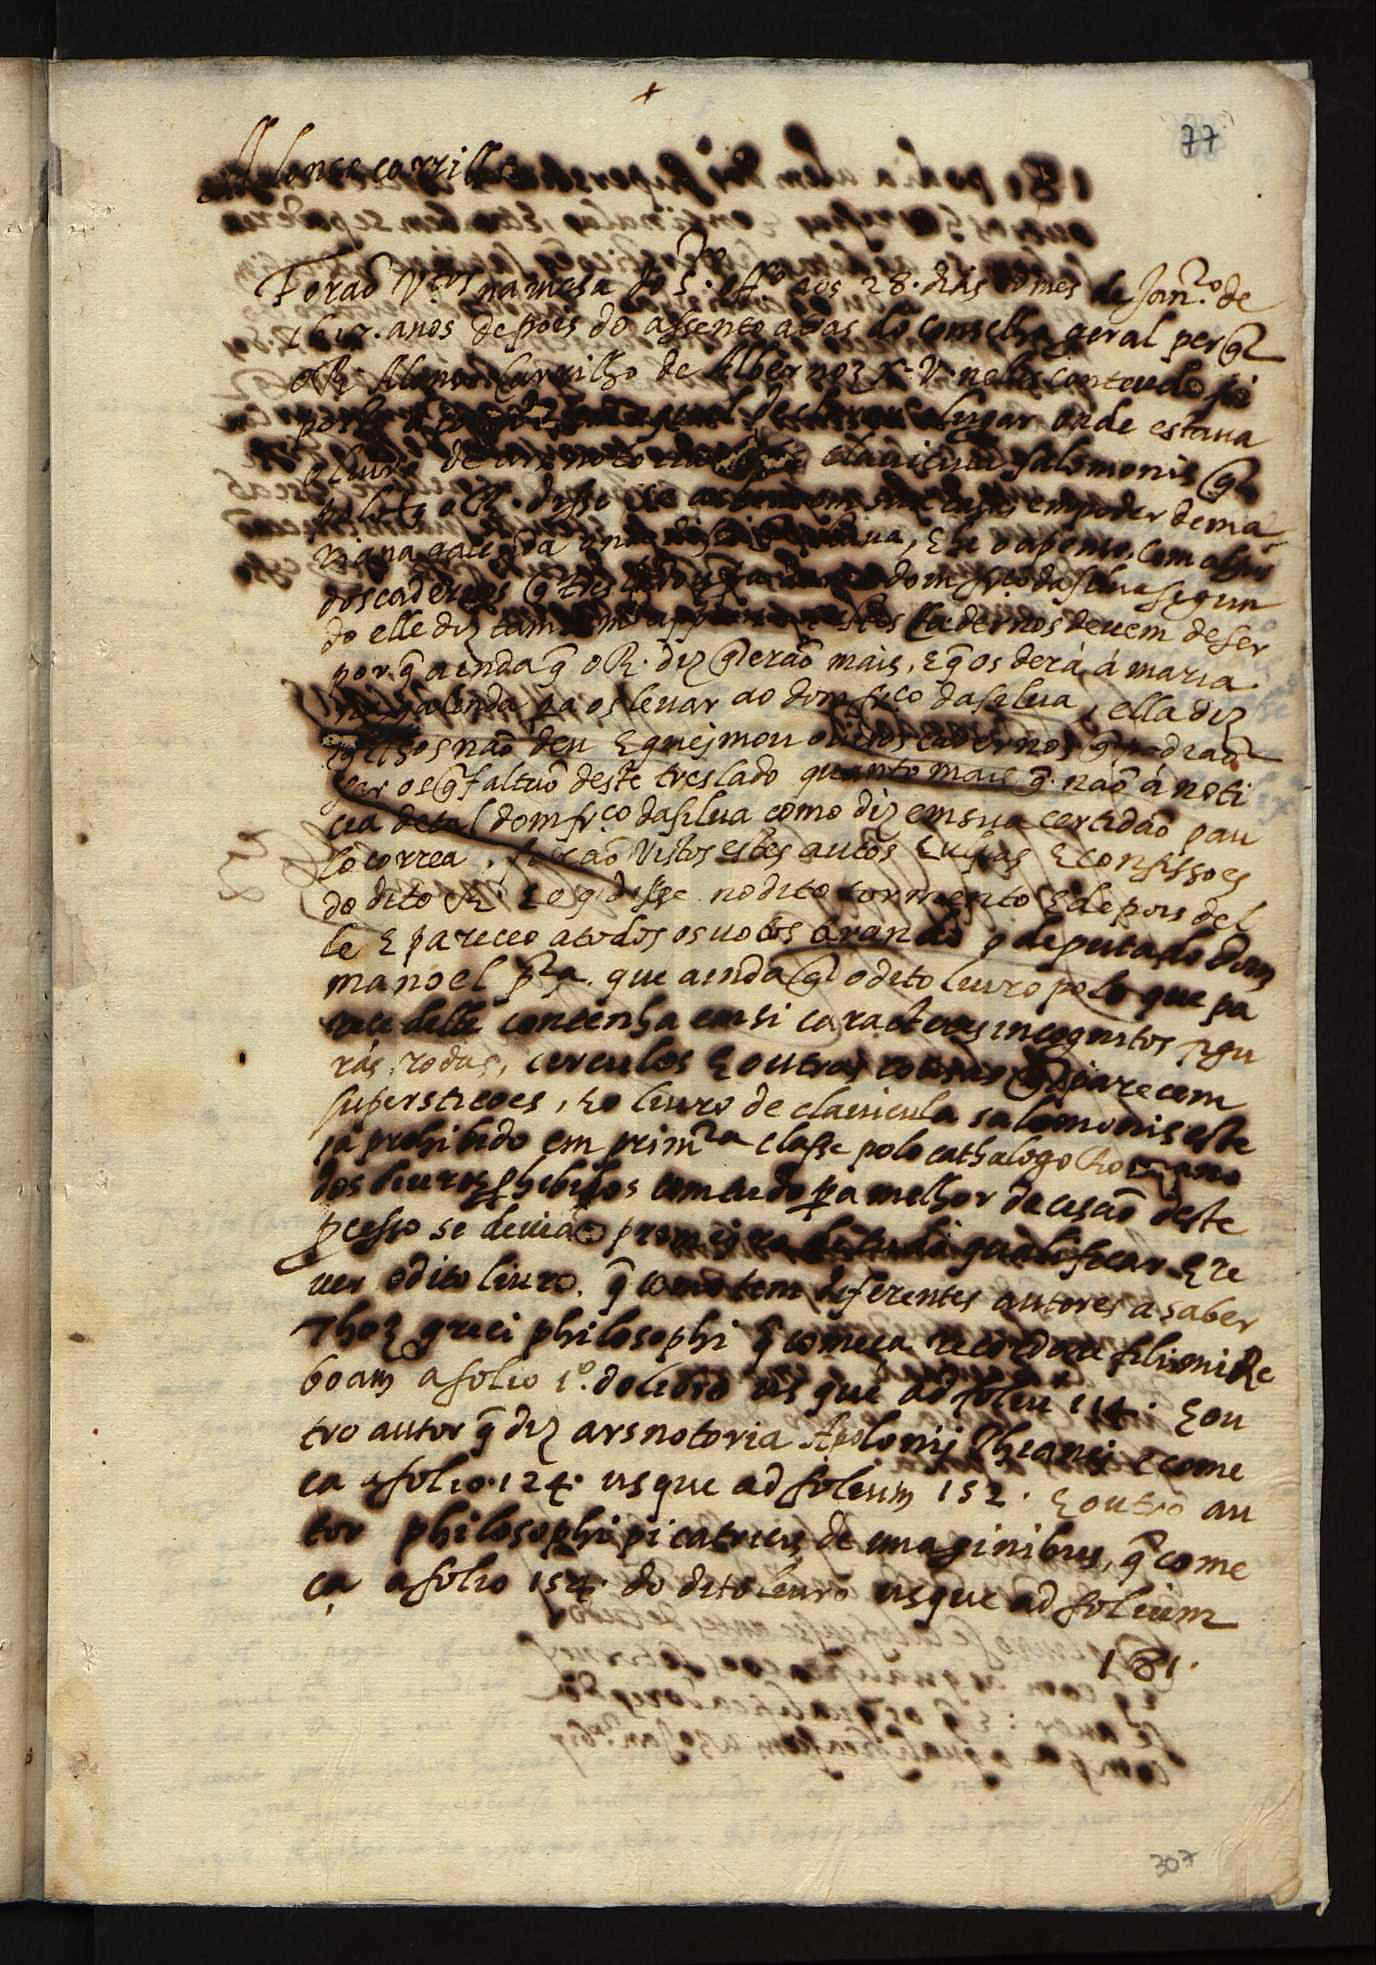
Alonso carrilho
Foraõ V.tos na mesa do s.to off.o aos 28 dias do mes de Jan.ro de
1617. anos depoes do assento atras do conselho geral per q̄
o R . Alonço Carrilho de Albernoz x. v. nelles conteudo foi
posto a tormto em o qual declarou o lugar onde estaua
o Liuro de ars notoria _ claruis Salomonis q̄
polo q̄ o R. disse se achou em sua casa, em poder de ma
riana galinda onde disse que estaua, E he o apenso, com algus̄
dos cadernos que tresladou ꝑa dar a dom fr.co da silua segun
do elle diz tam
Cadernos deuem de ser
por q̄ ainda q̄ o R. diz q̄ erão mais, E q̄ os dera àa maria
na galianda ꝑa os leuar ao dom fr.co da silua, ella diz
q̄ lhos naõ deu E quejmou outros cadernos q̄ podiaõ
ser os q̄ faltaõ deste treslado quanto mais q̄ não á noti
cia de tal dom fr.co da silua como diz em sua certidaõ pau
lo correa, foraõ vistos estes autos culpas E confissoẽs
do dito R e o q̄ disse no dito tormento E depois del
le E pareceo a todos os uotos tirando o deputado dom
manoel pra que ainda q̄ o dito liuro polo que pa
rece delle contenha em si caracteres incognitos figu
ras, rodas, cerculos E outras cousas q̄ parecem
superstiçoes, E o liuro de clauicula salomonis este
ja prohibido em primra classe pelo cathalogo Romano
dos liuros ꝓhibidos comtudo ꝑa melhor decisaõ deste
ꝓcesso se deuia primeiro de tudo qualificar E re
uer o dito liuro, q̄ como tem diferentes autores a saber
Thoz greci philosophi q̄ começa recordare fili mi Re
boam a folio 1.o do liuro usque ad foliū 114. E ou
tro autor q̄ diz ars notoria Apolonij Thianei e come
ça a folio .124. usque ad folium 152. E outro au
tor philosophi picatricis de imaginibus, q̄ come
ça a folio 154 do dito liuro usque ad folium
181.
